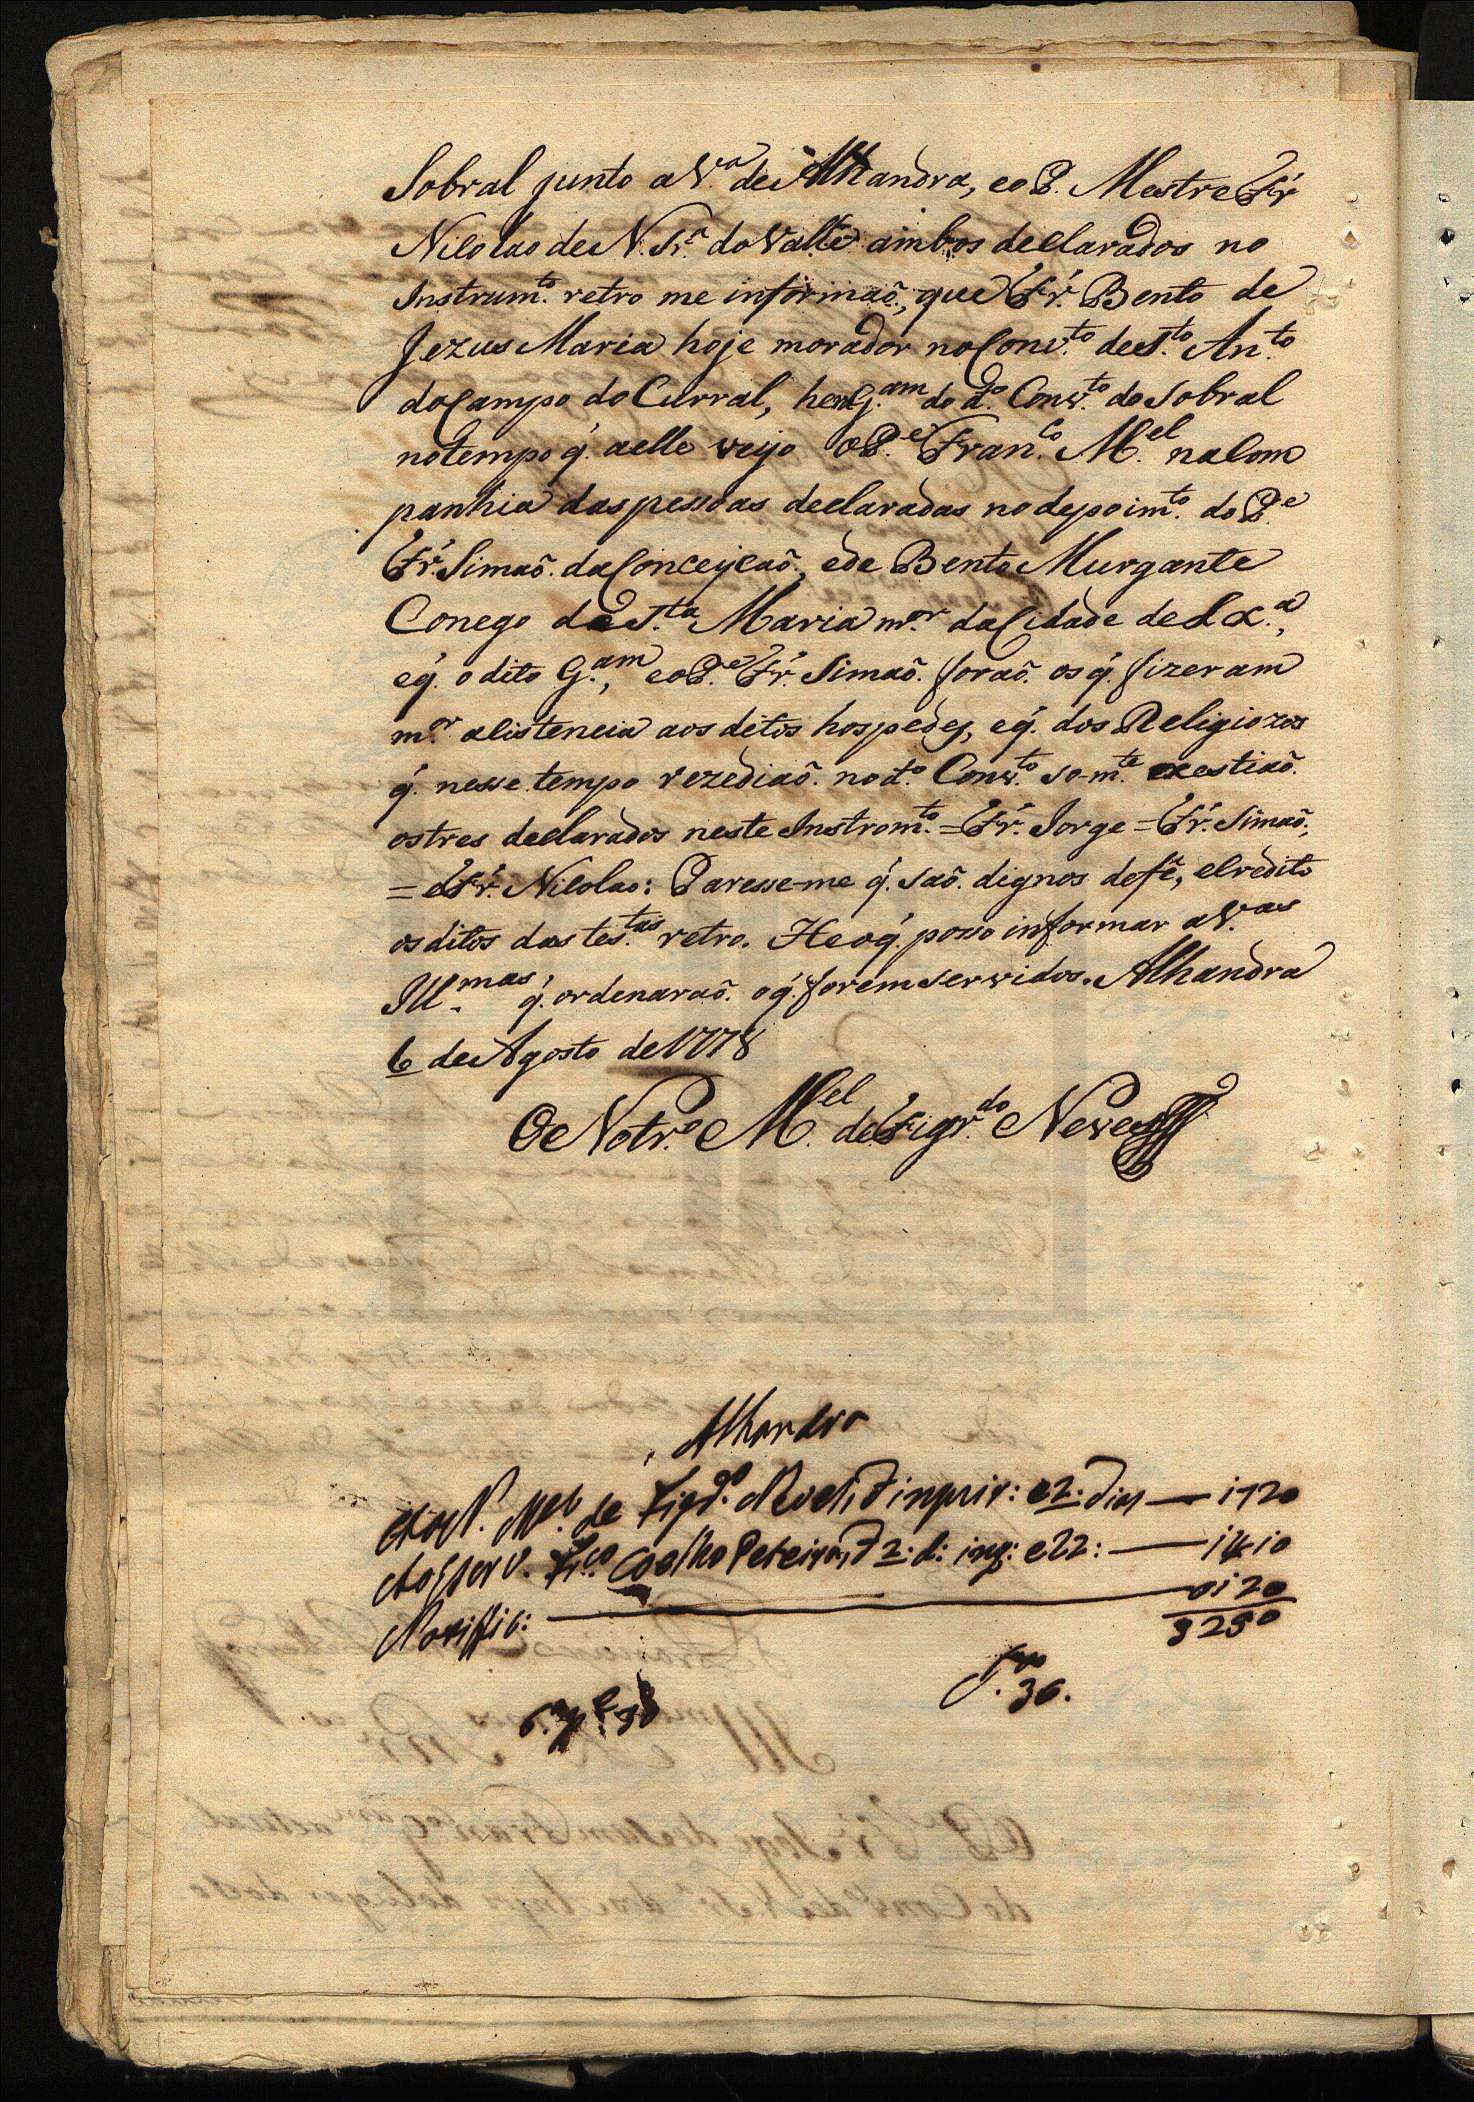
Sobral junto a V.a de Alhandra, e o P. Mestre Fr̄
Nicolao de N. sr.a da Valle ambos declarados no
Instrum.to retro me informaõ; que Fr̄. Bento de
Jezus Maria hoje morador no Conv.to de S.to An.to
do Campo do Curral, hera G.am do d̄.o Conv.to do Sobral
no tempo q̄ a elle veyo o P.e Fran.co M.el na Com
panhia das pessoas declaradas no depoim.to do P.e
Fr̄ Simaõ da Conceyçaõ, e de Bento Murgante
Conego da S.ta Maria m.or da Cidade de Lx.a,
e q̄ o dito G.am, e o P.e Fr̄. Simaõ foraõ os q̄ fizeram
m.or acistencia aos ditos hospedes, e q̄ dos Religiozos
q̄ nesse tempo rezediaõ no d̄.o Conv.to som.te exestiaõ.
os tres declarados neste Instrom.to = Fr̄. Iorge = Fr̄. Simaõ;
= Fr̄. Nicolao: Paresse-me q̄ saõ dignos de fé, e Credito
os ditos das tes.tas retro. He o q̄ posso informar a V.as
Ill.mas q̄ ordenaraõ o q̄ forem servidos. Alhandra
6 de Agosto de 1778
O Notr.o M.el de Figr.do Neves
Alhandra
ao N. M.el de Figr.o Neves, d̄ inquir: 02. dias - i720
- i720
Ao Escrv. Fr.co coelho Peteira, d̄ 2. d: inq: e22:
i4i0
Notiffic:
0i20
3250
6.a p.e 30
.36.
